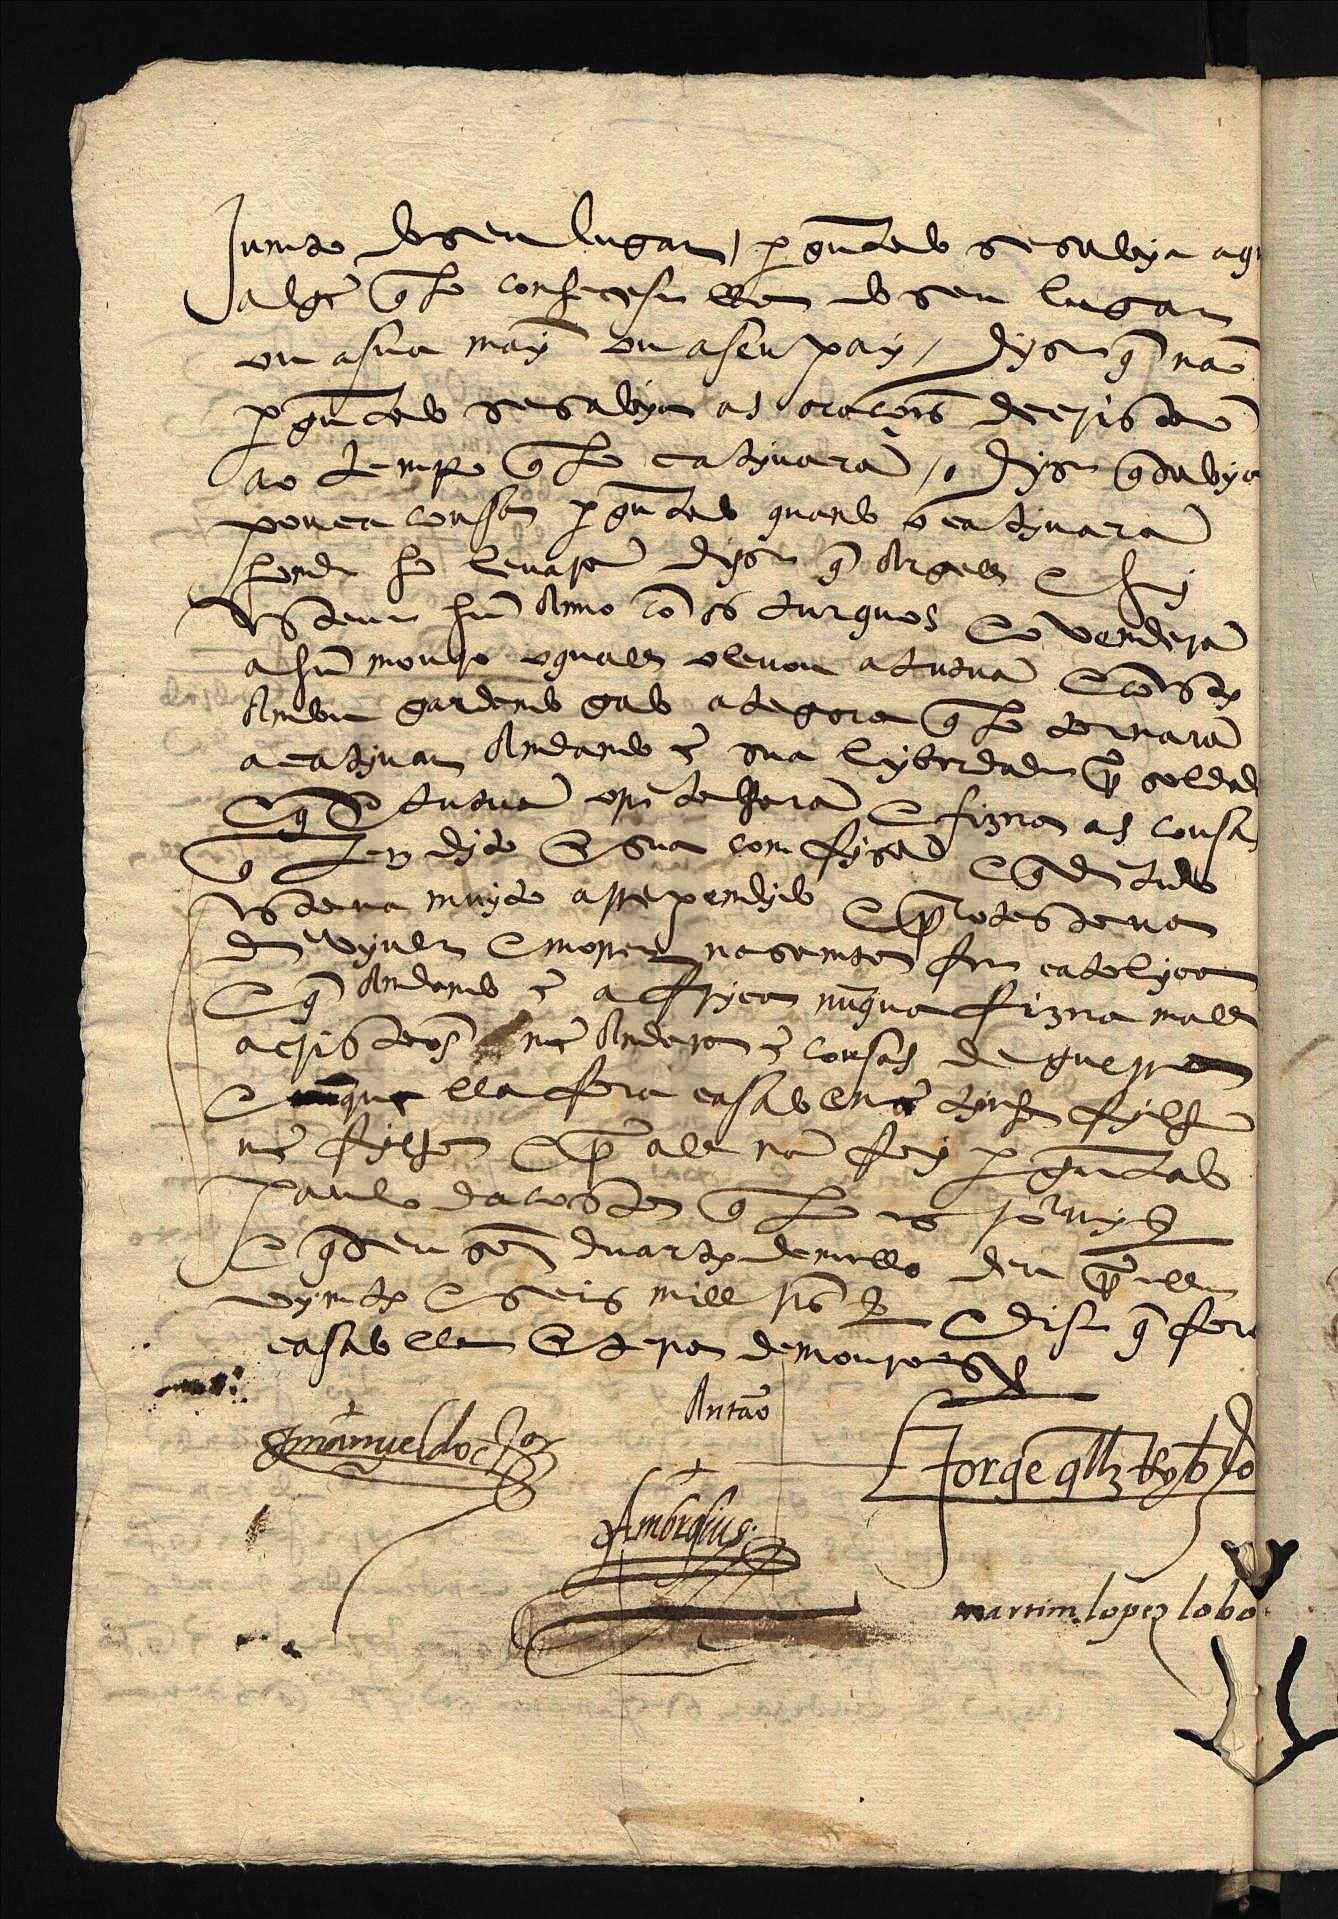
Jumto do seu lugar / ꝑgūtado se sabya a q
algē q̄ ho conhecese lla do seu lugar
ou a sua maỹ ou a seu pay / dyse q̄ não
ꝑḡutado se sabya as orações de cristaõ
ao tempo q̄ ho catiuarā / dyse q̄ sabya
pouca cousa ꝑgūtado quando o catyuarā
honde ho leuarā dyse q̄ Argell e hy
esteue hū Anno cō os turquos e o venderā
a hū mouro o quall o leuou a tutuā e cō este
Amdou gardando gado ate gora q̄ ho tornarā
a catyuar Andando ē sua lyberdade p̄o soldad
e q̄ ē tutuā o retalharā e fizera as cousas
q̄ tem dyto ē sua comfysā e q̄ de tudo
estaua muyto arrependydo e protestaua
de vyuer e morrer na samta fee catolyca
e q̄ Andando ē afryca nūqua fizera mall
a cristaõs nē Andara ē cousas de guerra
e que lla fora casado e nā tjnha fylho
ne̅ fylha e p̄o all nā foj ꝑgūtado
paulo da costa q̄ ho esp̄uy.
e q̄ seu s̄or duarte de mello deu p̄o elle
vymte e seis mill rrs̄. e dise q̄ for
casado lla ē terra de mouros.
Antão
Jmanuel doctor
Jorge ḡllz Rybro
Ambrosius.
martim lopez lobo
